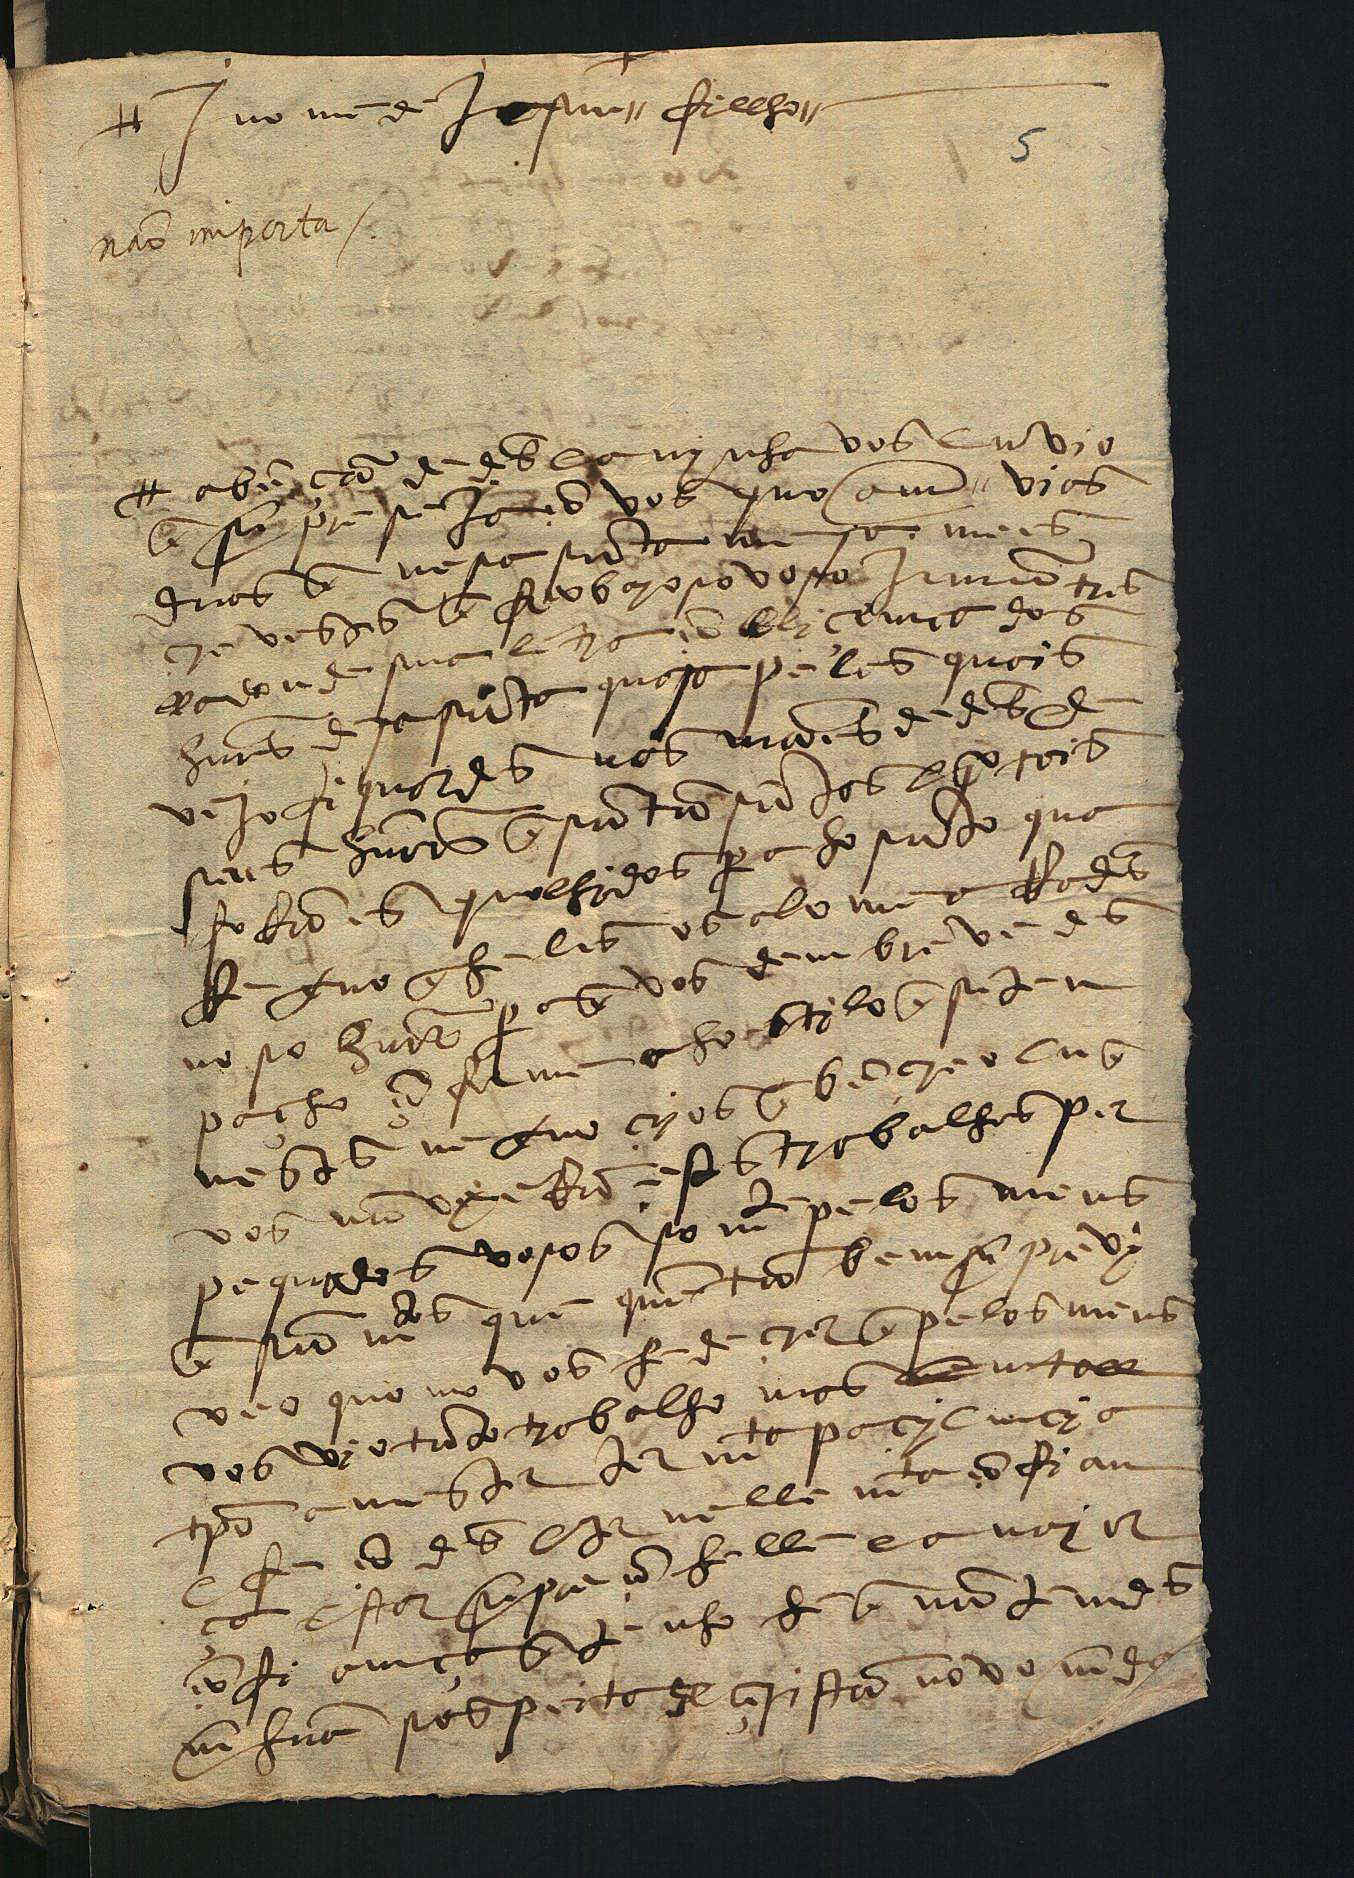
item Jnome de Jesuu // fillho //
não importa /.
item a bēça de dēs e a mjnha vos envio
q̄ sēpre seJa cōvosquo am̄ // vi as
duas q̄ nesa sāta mesa me es
crevestes q̄ frco baroso voso Jrmaõ tres
lladou de sua letra cō lljcemça dos
Snr̄s desa sāta quasa pelas quais
vejo fiquardes nas mans de des̄ e de
seus Snōrs q̄ sā tā sātos e p̄o tais
foRā esquolhjdos ꝑa ho sāto qua
Reguo q̄ heles os alomeaRa des̄
noso Senōr ꝑa q̄ vos dem breve des
pacho cōforme aho estilo q̄ se tem
nestes neguocyos q̄ bē creo eu q̄
vos nā vexeRā estes trabalhos per
pequados vosos somte pelos meus
q̄ sā mtos que quē tābem sēpre vy
veo quomo vos he de crer q̄ pelos meus
vos vio tāto trabalho mas em tall
tpō a mester ter mta pacyemcya
e fe ē des̄ e ter nelle mta cōfian
ça e star sēpre cō helle e a mayor
cōfiamça q̄ tenho he q̄ nā temdes
nēhuā sospeita de cristão novo nē da
